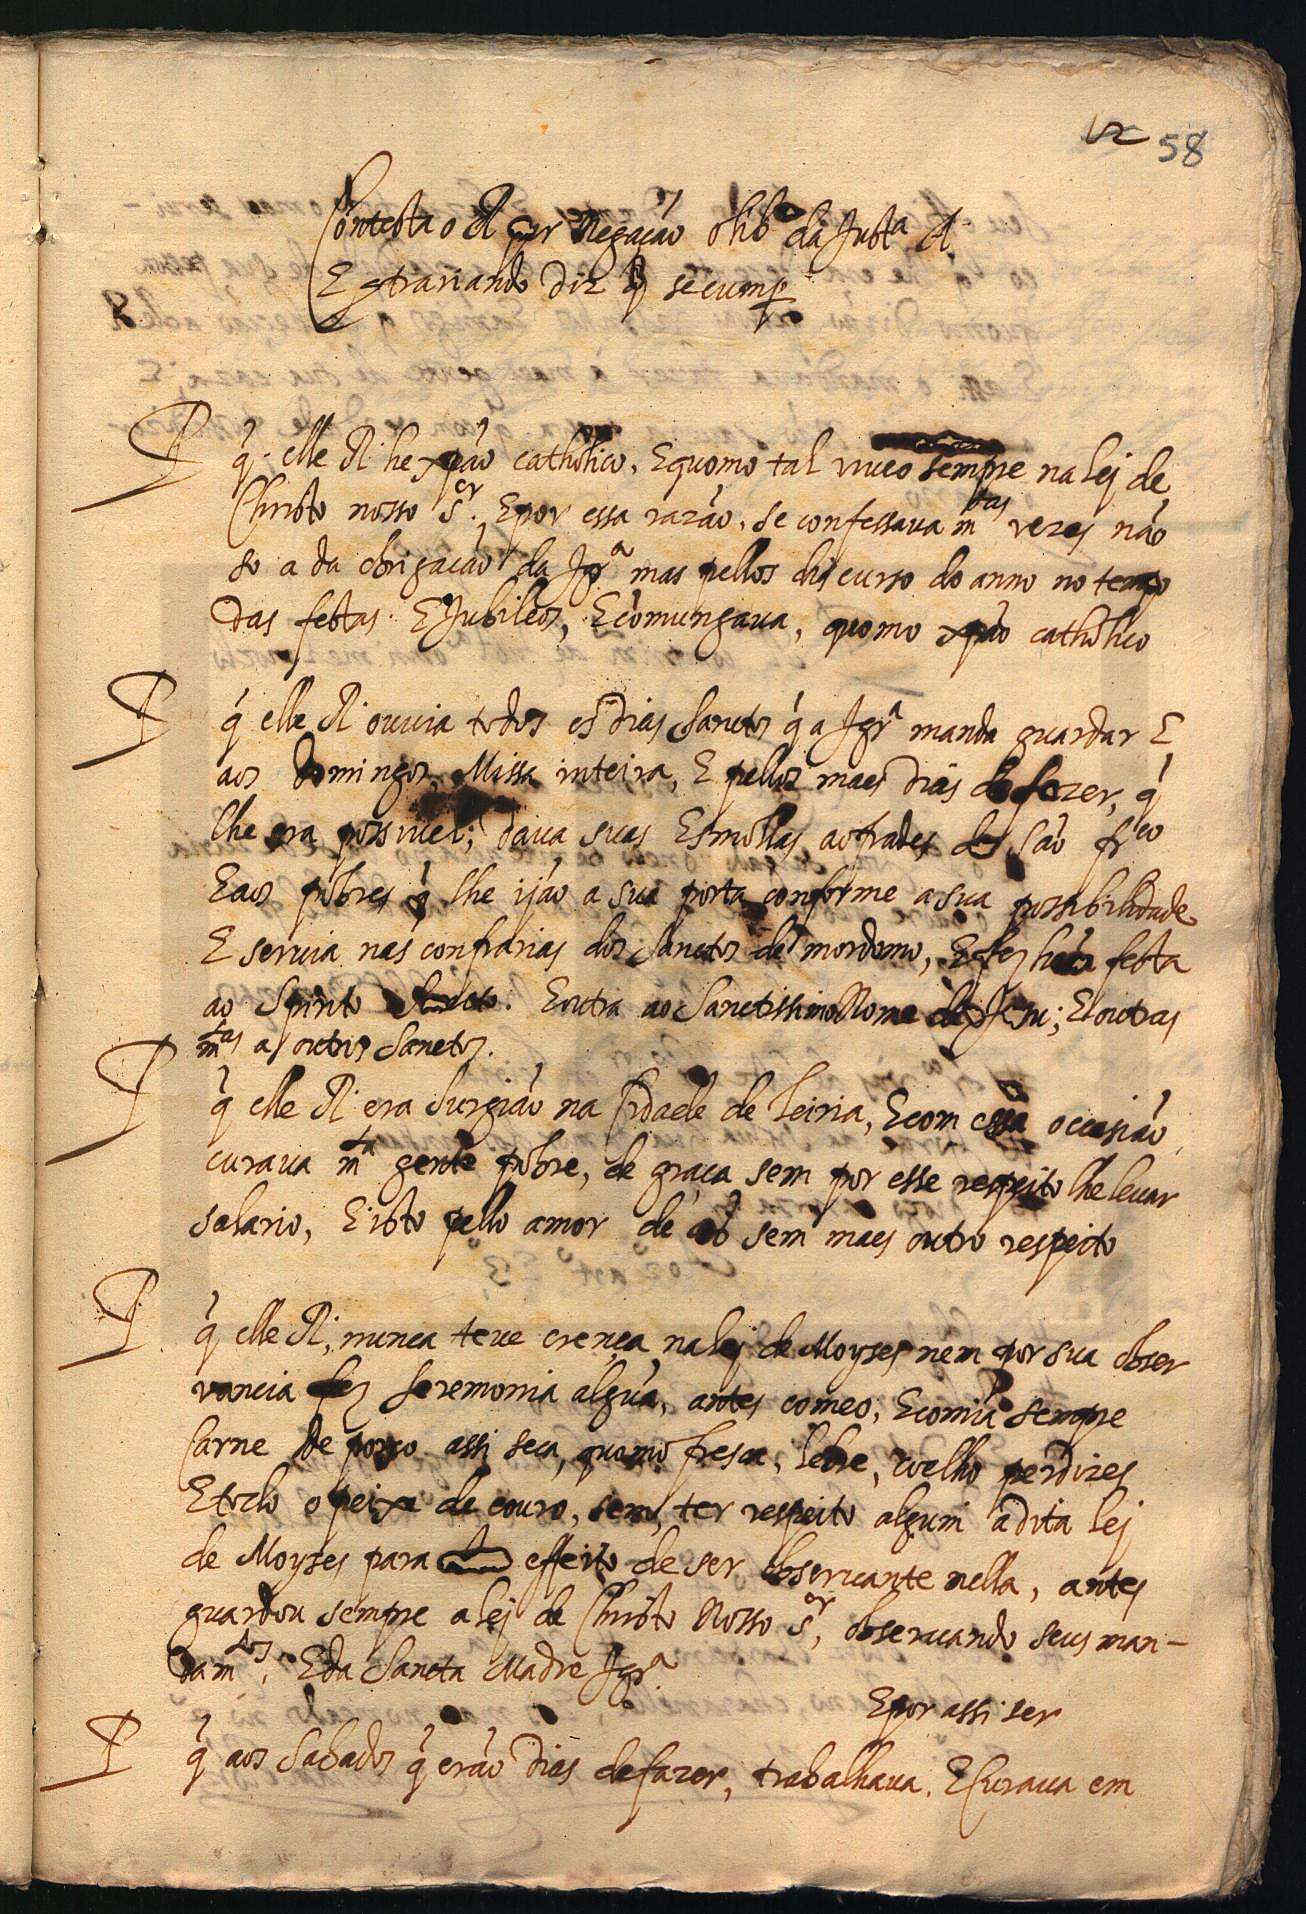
Contesta o R por negação o libo da Justa A.
E ꝯtrariando diz q̄ se cumꝑ
P q̄. elle R. he xpão catholico, E quomo tal viueo sempre na lej de
Christo nosso sor. E por essa razão se confessaua mtas vezes não
so a da obrigacão da Jgr.a mas pellos discurso do anno no tempo
das festas. E Jubileos, E comungaua, quomo xpão catholico
P q̄ elle R. ouuia todos os dias Sanctos q̄ a Jgra manda guardar E
aos domingos Missa inteira, E pellos maes dias do fazer, q̄
lhe era possiuel; daua suas Esmollas ao frades de saõ frco
E aos pobres q̄ lhe ijão a sua porta conforme a sua possibilidade
E seruia nas confrarias dos Sanctos de mordomo, E fez hūa festa
ao Spirito Sancto. E outra ao Sanctissimo Nome de Jesu; E outras
mtas a outros Sanctos.
P q̄ elle R. era Surgião na Cidade de Leiria, E com essa occasião,
curaua mta gente pobre, de graça sem por esse respeito lhe leuar
salario, E isto pello amor de _s ao sem maes outro respeito
P. q̄ elle R; nunca teue crença na lej de Moyses nem por sua obser
vancia fez seremonia alguā, antes comeo, E comia sempre
Carne de porco assi seca, quomo fresca, lebre, coelho perdizes
E todo o peixe de couro, sem ter respeito algum a dita lej
de Moyses para _ effeito de ser obseruante nella, antes
guardou sempre a lej de Chisto nosso sor, obseruando seus man
damtos, E da Sancta Madre Jgra.
E por assi ser
P q̄ aos Sabados q̄ erão dias de fazer, trabalhaua, E Curaua em
